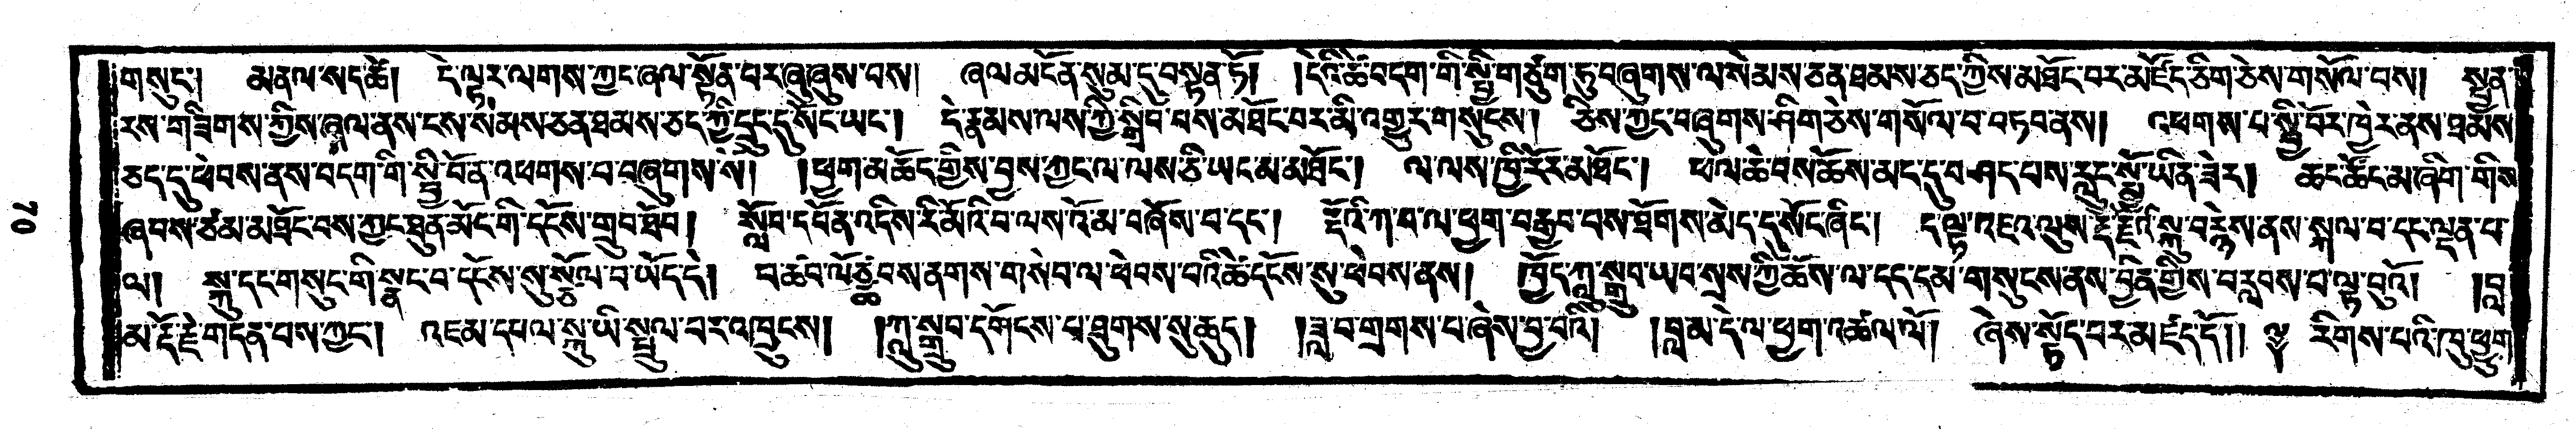གསུང་། མནལ་སད་ཚེ། དེ་ལྟར་ལགས་ཀྱང་ཞལ་སྟོན་པར་ཞུ་ཞུས་བས། ཞལ་མངོན་སུམ་དུ་བསྟན་ཏོ། །དེའི་ཚེ་བདག་གི་སྤྱི་གཙུག་ཏུ་བཞུགས་ལ་སེམས་ཅན་ཐམས་ཅད་ཀྱིས་མཐོང་བར་མཛོད་ཅིག་ཅེས་གསོལ་བས། སྤྱན་
རས་གཟིགས་ཀྱིས་ཞལ་ནས་ངས་སེམས་ཅན་ཐམས་ཅད་ཀྱི་དྲུང་དུ་སོང་ཡང་། དེ་རྣམས་ལས་ཀྱི་སྒྲིབ་པས་མཐོང་བར་མི་འགྱུར་གསུངས། ཅིས་ཀྱང་བཞུགས་ཤིག་ཅེས་གསོལ་བ་བཏབ་ནས། འཕགས་པ་སྤྱི་བོར་ཁྱེར་ནས་ཐམས་
ཅད་དུ་ཕེབས་ནས་བདག་གི་སྤྱི་བོ་ན་འཕགས་པ་བཞུགས་སོ། །ཕྱག་མཆོད་གྱིས་བྱས་ཀྱང་ལ་ལས་ཅི་ཡང་མ་མཐོང་། ལ་ལས་ཁྱི་རོར་མཐོང་། ཕལ་ཆེ་བས་ཆོས་མང་དུ་བཤད་པས་རླུང་སྨྱོ་ཡིན་ཟེར། ཆང་ཚོང་མ་ཞིག་གིས་
ཞབས་ཙམ་མཐོང་བས་ཀྱང་ཐུན་མོང་གི་དངོས་གྲུབ་ཐོབ། སློབ་དཔོན་འདིས་རི་མོའི་བ་ལས་འོ་མ་བཞོས་པ་དང་། རྡོའི་ཀ་བ་ལ་ཕྱག་བརྒྱབ་པས་ཐོགས་མེད་དུ་སོང་ཞིང་། ད་ལྟ་འཇའ་ལུས་རྡོ་རྗེའི་སྐུ་བརྙེས་ནས་སྐལ་བ་དང་ལྡན་པ་
ལ། སྐུ་དང་གསུང་གི་སྣང་བ་དངོས་སུ་སྩོལ་བ་ཡོད་དེ། བ་ཚབ་ལོཙྪ་བས་ནགས་གསེབ་ལ་ཕེབས་པའི་ཚེ་དངོས་སུ་ཕེབས་ནས། ཁྱོད་ཀླུ་སྒྲུབ་ཡབ་སྲས་ཀྱི་ཆོས་ལ་དད་དམ་གསུངས་ནས་བྱིན་གྱིས་བརླབས་པ་ལྟ་བུའོ། །བླ་
མ་རྡོ་རྗེ་གདན་པས་ཀྱང་། འཇམ་དཔལ་སྐུ་ཡི་སྤྲུལ་བར་འཁྲུངས། །ཀླུ་སྒྲུབ་དགོངས་པ་ཐུགས་སུ་ཆུད། །ཟླ་བ་གྲགས་པ་ཞེས་བྱ་བའི། །བླ་མ་དེ་ལ་ཕྱག་འཚལ་ལོ། །ཞེས་སྟོད་པར་མཛད་དོ། ། ༈ རིགས་པའི་ཁུ་ཕྱུག་